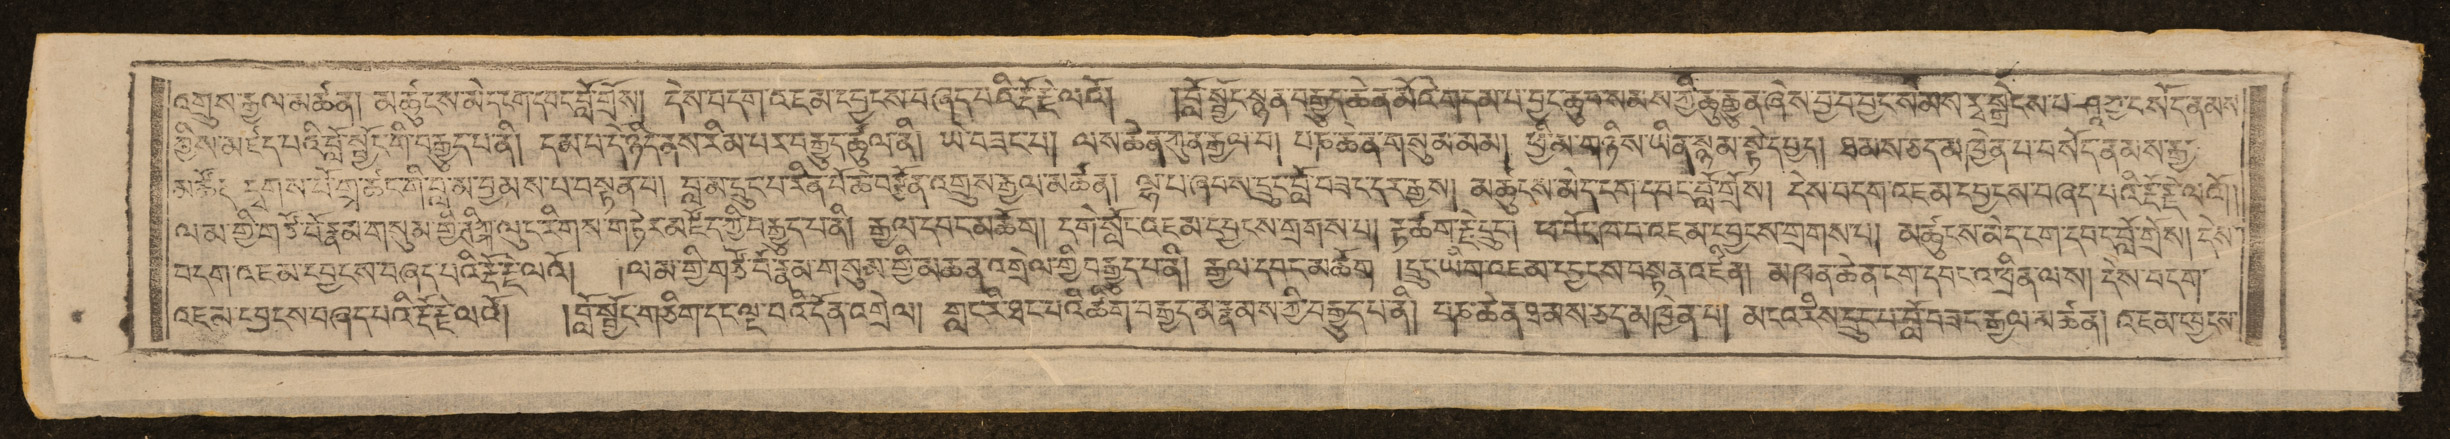འགྲུས་རྒྱལ་མཚན། མཚུངས་མེད་ངག་དབང་བློ་གྲོས། དེས་བདག་འཇམ་དབྱངས་བཞད་པའི་རྡོ་རྗེ་ལའོ། །བློ་སྦྱོང་སྙན་བརྒྱུད་ཆེན་མོའི་གདམ་པ་བྱང་ཆུབ་སེམས་ཀྱི་ཆུ་རྒྱུན་ཞེས་བྱ་བ་བྱང་སེམས་རྭ་སྒྲེངས་པ་ཤཱཀྱ་བསོད་ནམས་
ཀྱིས་མཛད་པའི་བློ་སྦྱོང་གི་བརྒྱུད་པ་ནི། དམ་པ་དེ་ཉིད་ནས་རིམ་པར་བརྒྱུད་ཚུལ་ནི། ཡེ་བཟང་པ། ལས་ཆེན་ཀུན་རྒྱལ་པ། པཎ་ཆེན་གསུམ་མམ། ཕྱི་མ་གཉིས་ཡིན་སྙམ་སྟེ་དཔྱད། ཐམས་ཅད་མཁྱེན་པ་བསོད་ནམས་རྒྱ་
མཚོ༑ དྭགས་པོ་གྲྭ་ཚང་གི་བླ་མ་བྱམས་པ་བསྟན་པ། བླ་མ་དྲུང་པ་རིན་པོ་ཆེ་བརྩོན་འགྲུས་རྒྱལ་མཚན། ལྷ་པ་ཞབས་དྲུང་བློ་བཟང་དར་རྒྱས། མཚུངས་མེད་ངག་དབང་བློ་གྲོས། དེས་བདག་འཇམ་དབྱངས་བཞག་པའི་རྡོ་རྗེ་ལའོ།
ལམ་གྱི་གཙོ་བོ་རྣམ་གསུམ་གྱི་ཊིཀྐ་ལུང་རིགས་གཏེར་མཛོད་ཀྱི་བརྒྱུད་པ་ནི། རྒྱལ་དབང་མཆོག། དགེ་སློང་འཇམ་དབྱངས་གྲགས་པ། རྟ་ཚག་རྗེ་དྲུང་། ཕ་བོང་ཁ་བ་འཇམ་དབྱངས་གྲགས་པ། མཚུངས་མེད་ངག་དབང་བློ་གྲོས། དེས་
བདག་འཇམ་དབྱངས་བཞད་པའི་རྡོ་རྗེ་ལའོ། །ལམ་གྱི་གཙོ་བོ་རྣམ་གསུམ་གྱི་མཚན་འགྲེལ་གྱི་བརྒྱུད་པ་ནི། རྒྱལ་དབང་མཆོག །དྲུང་ཡིག་འཇམ་དབྱངས་བསྟན་འཛིན། མཁན་ཆེན་ངག་དབང་འཕྲིན་ལས། དེས་བདག་
འཇམ་དབྱངས་བཞད་པའི་རྡོ་རྗེ་ལའོ། །བློ་སྦྱོང་གཅིག་དང་ལྔ་པའི་དོན་འགྲེལ། གླང་རི་ཐང་པའི་ཚིག་བརྒྱད་མ་རྣམས་ཀྱི་བརྒྱུད་པ་ནི། པཎ་ཆེན་ཐམས་ཅད་མཁྱེན་པ། མངའ་རིས་དྲུང་པ་བློ་བཟང་རྒྱལ་མཚན། འཇམ་དབྱངས་